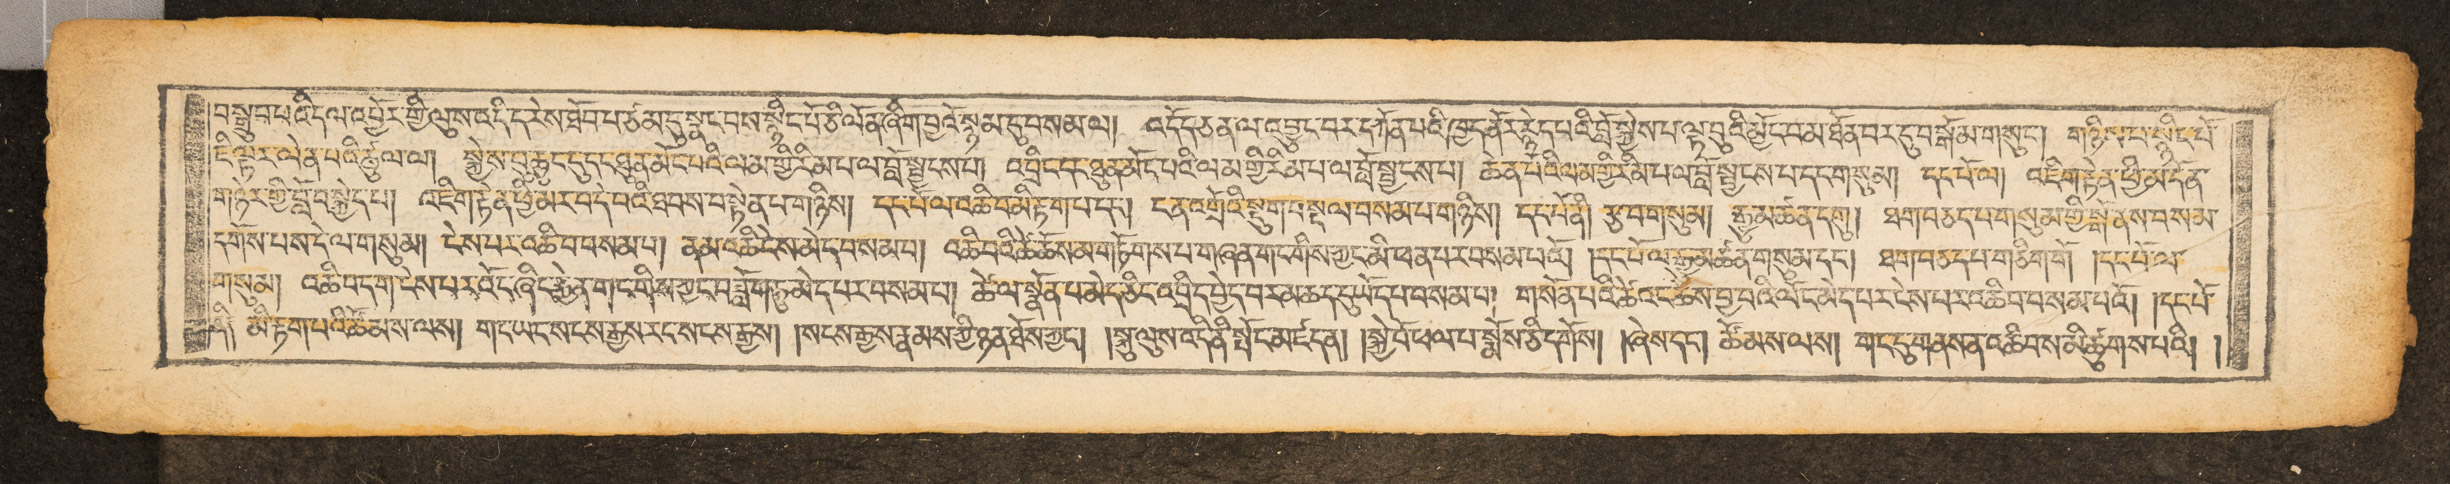བསྒྲུབ་པའི་དལ་འབྱོར་གྱི་ལུས་འདི་ད་རེས་ཐོབ་པ་ཙམ་དུ་སྣང་བས་སྙིང་པོ་ཅི་ལོན་ཞིག་བྱའོ་སྙམ་དུ་བསམ་ལ། འདོད་ཅན་ལ་འབྱུང་བར་དཀོན་པའི་ཁྱད་ནོར་རྙེད་པའི་བློ་སྐྱེས་པ་ལྟ་བུའི་མྱོང་བ་མ་ཐོན་བར་དུ་བསྒོམ་གསུང་། གཉིས་པ་སྙིང་པོ་
ཇི་ལྟར་ལེན་པའི་ཚུལ་ལ། སྐྱེས་བུ་ཆུང་ངུ་དང་ཐུན་མོང་པའི་ལམ་གྱི་རིམ་པ་ལ་བློ་སྦྱངས་པ། འབྲིང་དང་ཐུན་མོང་པའི་ལམ་གྱི་རིམ་པ་ལ་བློ་སྦྱངས་པ། ཆེན་པོའི་ལམ་གྱི་རིམ་པ་ལ་བློ་སྦྱངས་པ་དང་གསུམ། དང་པོ་ལ། འཇིག་རྟེན་ཕྱི་མ་དོན་
གཉེར་གྱི་བློ་བསྐྱེད་པ། འཇིག་རྟེན་ཕྱི་མར་བདེ་བའི་ཐབས་བསྟེན་པ་གཉིས། དང་པོ་ལ་འཆི་བ་མི་རྟག་པ་དང་། ངན་འགྲོའི་སྡུག་བསྔལ་བསམ་པ་གཉིས། དང་པོ་ནི། རྩ་བ་གསུམ། རྒྱུ་མཚན་དགུ། ཟག་བཅད་པ་གསུམ་གྱི་སྒོ་ནས་བསམ་
དགོས་པས་དེ་ལ་གསུམ། ངེས་པར་འཆི་བ་བསམ་པ། ནམ་འཆི་ངེས་མེད་བསམ་པ། འཆི་བའི་ཚེ་ཆོས་མ་གཏོགས་པ་གཞན་གང་གིས་ཀྱང་མི་ཕན་པར་བསམ་པའོ། །དང་པོ་ལ་རྒྱུ་མཚན་གསུམ་དང་། ཐག་བཅད་པ་གཅིག་གོ །དང་པོ་ལ་
གསུམ༑ འཆི་བདག་ངེས་པར་འོང་ཞིང་རྐྱེན་གང་གིས་ཀྱང་བཟློག་ཏུ་མེད་པར་བསམ་པ། ཚེ་ལ་སྣོན་པ་མེད་ཅིང་འབྲིད་བྱེད་བར་མ་ཆད་དུ་ཡོད་པ་བསམ་པ། གསོན་པའི་ཚེའང་ཆོས་བྱ་བའི་ཡོང་མེད་པར་ངེས་པར་འཆི་བ་བསམ་པའོ། །དང་པོ་
ནི༑ མི་རྟག་པའི་ཚོམས་ལས། གང་ཡང་སངས་རྒྱས་རང་སངས་རྒྱས། །སངས་རྒྱས་རྣམས་ཀྱི་ཉན་ཐོས་ཀྱང་། །སྐུ་ལུས་འདི་ནི་སྤོང་མཛད་ན། །སྐྱེ་བོ་ཕལ་པ་སྨོས་ཅི་དགོས། །ཞེས་དང་། ཚོམས་ལས། གང་དུ་གནས་ན་འཆི་བས་མི་ཚུགས་པའི། །